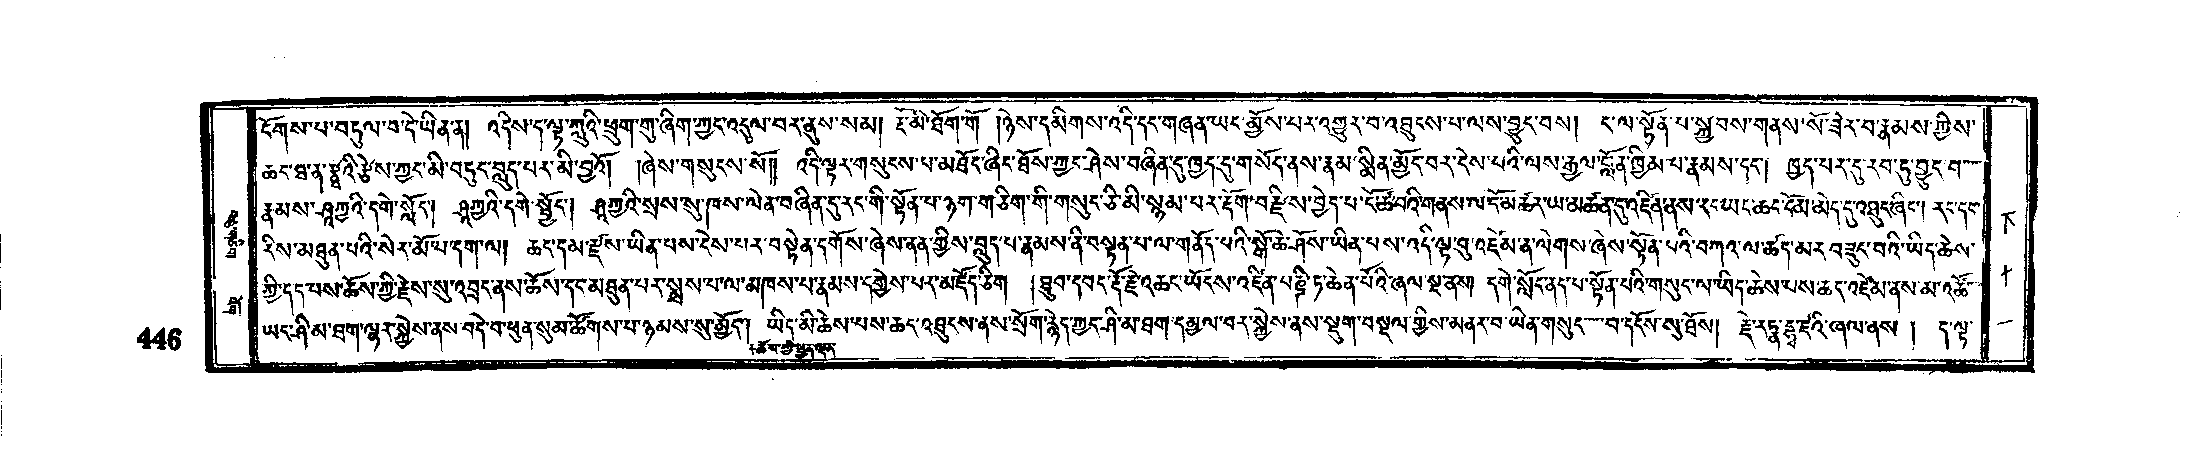དོགས་པ་བཏུལ་བ་དེ་ཡིན་ན། འདིས་ད་ལྟ་ཀླུའི་ཕྲུག་གུ་ཞིག་ཀྱང་འདུལ་བར་ནུས་སམ། རྔོ་མི་ཐོག་གོ །ཉེས་དམིགས་འདི་དང་གཞན་ཡང་མྱོས་པར་འགྱུར་བ་འཐུངས་པ་ལས་བྱུང་བས། ང་ལ་སྟོན་པ་སྐྱབས་གནས་སོ་ཟེར་བ་རྣམས་ཀྱིས་
ཆང་ཐ་ན་རྩྭའི་རྩེས་ཀྱང་མི་བཏུང་བླུད་པར་མི་བྱའོ། །ཞེས་གསུངས་སོ།། འདི་ལྟར་གསུངས་པ་མཐོང་ཞིང་ཐོས་ཀྱང་ཤེས་བཞིན་དུ་ཁྱད་དུ་གསོད་ནས་རྣམ་སྨིན་མྱོང་བར་ངེས་པའི་ལས་རྒྱལ་བློན་ཁྱིམ་པ་རྣམས་དང་། ཁྱད་པར་དུ་རབ་ཏུ་བྱུང་བ་
རྣམས་ཤཱཀྱའི་དགེ་སློང་། ཤཱཀྱའི་དགེ་སྦྱོང་། ཤཱཀྱའི་སྲས་སུ་ཁས་ལེན་བཞིན་དུ་རང་གི་སྟོན་པ་ཉག་གཅིག་གི་གསུང་ཅི་མི་སྙམ་པར་རྡོག་བརྫིས་བྱེད་པ་ངོ་ཚ་བའི་གནས་ལ་ངོ་མཚར་ཡ་མཚན་དུ་འཛིན་ནས་རང་ཡང་ཆང་ངོམ་མེད་དུ་འཐུང་ཞིང་། རང་དང་
རིས་མཐུན་པའི་སེར་མོ་པ་དག་ལ། ཆང་དམ་རྫས་ཡིན་པས་ངེས་པར་བསྟེན་དགོས་ཞེས་ནན་གྱིས་བླུད་པ་རྣམས་ནི་བསྟན་པ་ལ་གནོད་པའི་སྒོ་ཆེ་ཤོས་ཡིན་པས་འདི་ལྟ་བུ་འཛེམ་ན་ལེགས་ཞེས་སྟོན་པའི་བཀའ་ལ་ཚད་མར་བཟུང་བའི་ཡིད་ཆེས་
ཀྱི་དད་པས་ཆོས་ཀྱི་རྗེས་སུ་འབྲང་ནས་ཆོས་དང་མཐུན་པར་སྨྲས་པ་ལ་མཁས་པ་རྣམས་དགྱེས་པར་མཛོད་ཅིག །ཐུབ་དབང་རྡོ་རྗེ་འཆང་ཡོངས་འཛིན་པཎྜི་ཏ་ཆེན་པོའི་ཞལ་སྔ་ནས། དགེ་སློང་ནད་པ་སྟོན་པའི་གསུང་ལ་ཡིད་ཆེས་པས་ཆང?་འཛེམ་ནས་མ་འཚོ་
ཡང་ཤི་མ་ཐག་ལྷར་སྐྱེས་ནས་བདེ་བ་ཕུན་སུམ་ཚོགས་པ་ཉམས་སུ་མྱོང་། ཆོས་ཀྱི་སྤྱན་ལྡན་ཡིད་མི་ཆེས་པས་ཆང་འཐུངས་ནས་སྲོག་རྙེད་ཀྱང་ཤི་མ་ཐག་དམྱལ་བར་སྐྱེས་ནས་སྡུག་བསྔལ་གྱིས་མནར་བ་ཡིན་གསུང་བ་དངོས་སུ་ཐོས། རྗེ་རཏྣ་དྷྭ་ཛའི་ཞལ་ནས། ད་ལྟ་